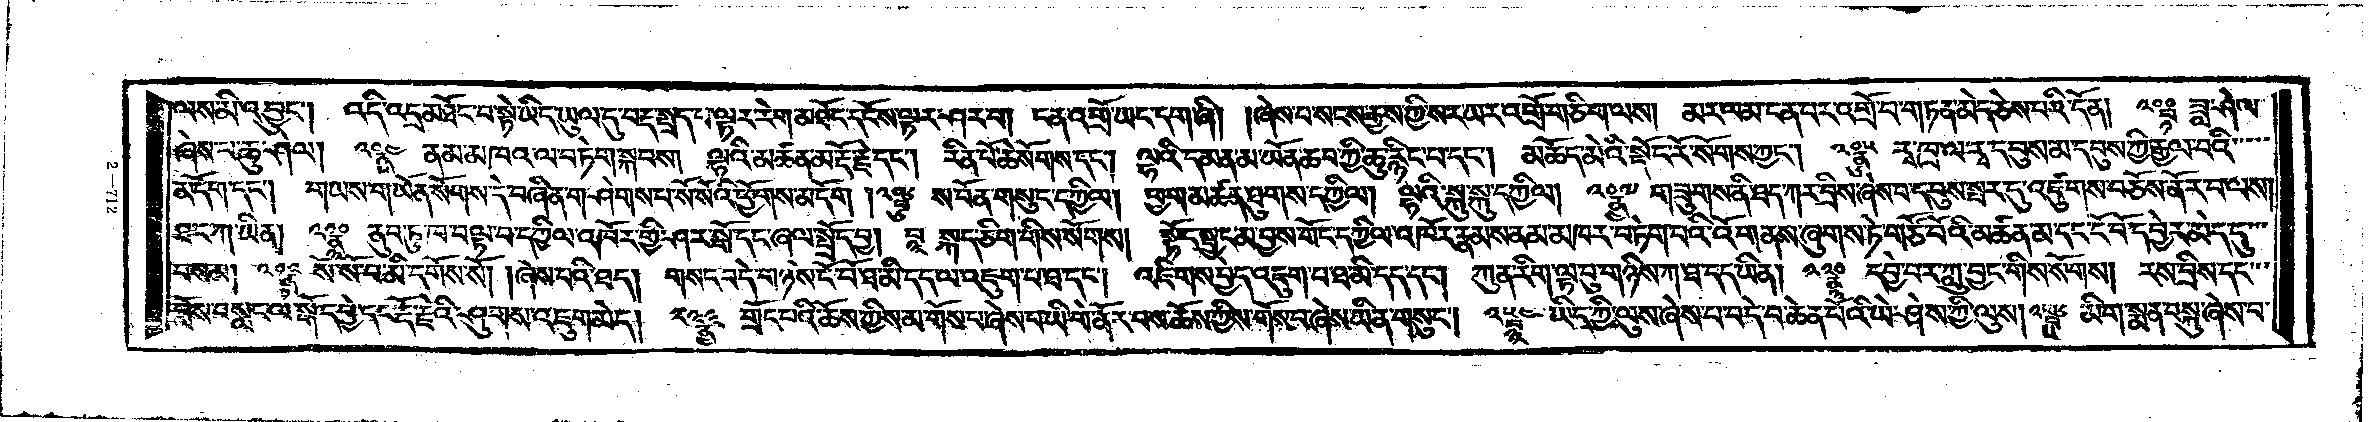ལས་མི་འབྱུང་། འདི་འདྲ་མཐོང་བ་སྟེ་ཡིད་ཡུལ་དུ་བརྡ་སྤྲད་པ་ལྟར་རེག་མཐོང་དངོས་ལྟར་ཤར་བ། ངན་འགྲོ་ཡང་དག་ཞི། །ཞེས་པ་སངས་རྒྱས་ཀྱི་སར་ཡར་འགྲོ་གཅིག་ལས། མར་ལམ་ངན་པར་འགྲོ་བ་གཏན་མེད་ཅེས་པའི་དོན། ༢༠༠བ༡་ཟླ་ཤེལ་
ཞེས་པ་ཆུ་ཤེལ། ༢༠༤ན༥་ནམ་མཁའ་ལ་བཏེག་སྐབས། ལྷའི་མཚན་མ་རྡོ་རྗེ་དང་། རིན་པོ་ཆེ་སོགས་དང་། ལྷའི་དམན་མ་ཡོན་ཆབ་ཀྱི་ཆུ་རྙིང་པ་དང་། མཆོད་མེའི་སྡོང་རོ་སོགས་ཀྱང་། ༢༠༥ན༦་རྭ་ཁྲ་ལ་རྭ་དབུས་མ་དབུས་ཀྱི་རྒྱལ་བའི་
མདོག་དང་། གཡས་གཡོན་སོགས་དེ་བཞིན་གཤེགས་པ་སོ་སོའི་ཕྱོགས་མདོག །༢༠༦བ༦་ས་བོན་གསུང་དཀྱིལ། ཕྱག་མཚན་ཐུགས་དཀྱིལ། ལྷའི་སྐུ་སྐུ་དཀྱིལ། ༢༠༧ན༤་གཟུགས་ནི་ཐད་ཀར་བྲིས་ཞེས་བ་དབུས་སྤར་དུ་འཛུགས་བཅོས་ནོར་བ་ལས།
ཐང་ཀ་ཡིན། ༢༡༠ན༣་ནུབ་ཏུ་ཁ་བལྟ་བ་དཀྱིལ་འཁོར་གྱི་ཤར་སྒོ་དང་ཞལ་སྤྲོད་བྱ། བ༣་སྐད་ཅིག་གིས་སོགས། སྟོང་སྦྱང་མ་བྱས་གོང་དཀྱིལ་འཁོར་རྣམས་ནམ་མཁར་བཏེག་པའི་འོག་ནས་ཞུགས་ཏེ་གཙོ་བོའི་མཚན་མ་དང་ངོ་བོ་དབྱེར་མེད་དུ་
བསམ། ༢༠༢ན༡་སོ་སོ་བ་མི་དགོས་སོ། །ཞེས་པའི་ཐད། གསང་བདེ་གཉིས་ངོ་བོ་ཐ་མི་དད་ལ་འཇུག་པ་ཐ་དང་། འཇིགས་བྱེད་འཇུག་པ་ཐ་མི་དད་དང་། ཀུན་རིག་ལྟ་བུ་གཉིས་ཀ་ཐ་དད་ཡིན། ༢༢༠ན༣་དབྱེ་བར་ཀླུ་བྱང་གིས་སོགས། རས་བྲིས་དང་
བློས་བསླང་ལ་སྒོ་དབྱེ་དང་རྡོ་རྗེའི་ཤུགས་འཇུག་མེད། ༢༣༣ན༤་གྲོང་པའི་ཆོས་ཀྱིས་མ་གོས་པ་ཞེས་པ་ཡི་གེ་ནོར་བས་ཆོས་ཀྱིས་གོས་བ་ཞེས་ཡིན་གསུང་། ༢༥༤བ༣་ཡིད་ཀྱི་ལུས་ཞེས་པ་བདེ་བ་ཆེན་པོའི་ཡེ་ཤེས་ཀྱི་ལུས། ༢༥༦བ༥་མིག་སྨན་བསྐུ་ཞེས་པ་